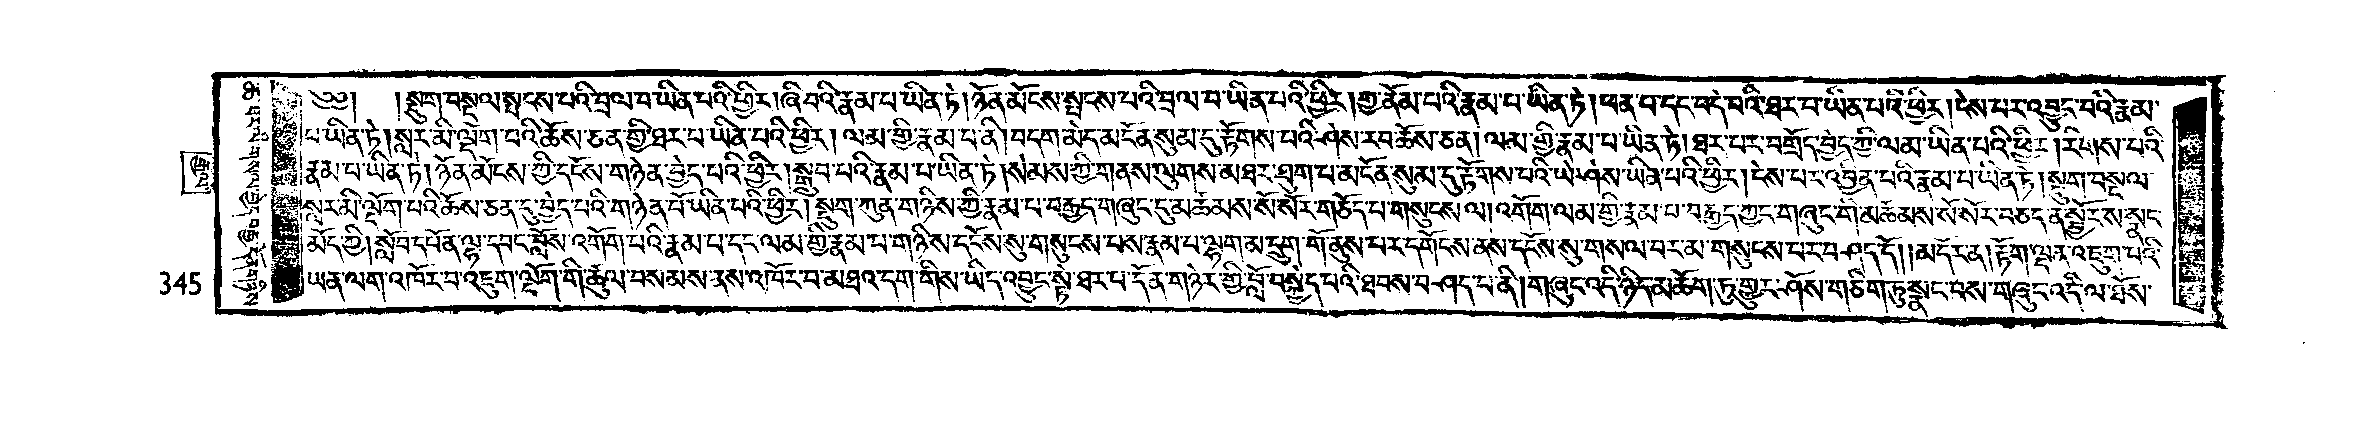༄༅། །སྡུག་བསྔལ་སྤངས་པའི་བྲལ་བ་ཡིན་པའི་ཕྱིར། ཞི་བའི་རྣམ་པ་ཡིན་ཏེ། ཉོན་མོངས་སྤངས་པའི་བྲལ་བ་ཡིན་པའི་ཕྱིར། གྱ་ནོམ་པའི་རྣམ་པ་ཡིན་ཏེ། ཕན་པ་དང་བདེ་བའི་ཐར་པ་ཡིན་པའི་ཕྱིར། ངེས་པར་འབྱུང་བའི་རྣམ་
པ་ཡིན་ཏེ། སླར་མི་ལྡོག་པའི་ཆོས་ཅན་གྱི་ཐར་པ་ཡིན་པའི་ཕྱིར། ལམ་གྱི་རྣམ་པ་ནི། བདག་མེད་མངོན་སུམ་དུ་རྟོགས་པའི་ཤེས་རབ་ཆོས་ཅན། ལམ་གྱི་རྣམ་པ་ཡིན་ཏེ། ཐར་པར་བགྲོད་བྱེད་ཀྱི་ལམ་ཡིན་པའི་ཕྱིར། རིགས་པའི་
རྣམ་པ་ཡིན་ཏེ། ཉོན་མོངས་ཀྱི་དངོས་གཉེན་བྱེད་པའི་ཕྱིར། སྒྲུབ་པའི་རྣམ་པ་ཡིན་ཏེ། སེམས་ཀྱི་གནས་ལུགས་མཐར་ཐུག་པ་མངོན་སུམ་དུ་རྟོགས་པའི་ཡེ་ཤེས་ཡིན་པའི་ཕྱིར། ངེས་པར་འབྱིན་པའི་རྣམ་པ་ཡིན་ཏེ། སྡུག་བསྔལ་
སླར་མི་ལྡོག་པའི་ཆོས་ཅན་དུ་བྱེད་པའི་གཉེན་པོ་ཡིན་པའི་ཕྱིར། སྡུག་ཀུན་གཉིས་ཀྱི་རྣམ་པ་བརྒྱད་གཞུང་དུ་མཚམས་སོ་སོར་གཅོད་པ་གསུངས་ལ། འགོག་ལམ་གྱི་རྣམ་པ་བརྒྱད་ཀྱང་གཞུང་གི་མཚམས་སོ་སོར་བཅད་ན་སྦྱོར་ས་སྣང་
མོད་ཀྱི། སློབ་དཔོན་ལྷ་དབང་བློས་འགོག་པའི་རྣམ་པ་དང་ལམ་གྱི་རྣམ་པ་གཉིས་དངོས་སུ་གསུངས་པས་རྣམ་པ་ལྷག་མ་དྲུག་གོ་ནུས་པར་དགོངས་ནས་དངོས་སུ་གསལ་བར་མ་གསུངས་པར་བཤད་དོ། །མདོར་ན། རྟོག་ལྡན་འཇུག་པའི་
ཡན་ལག་འཁོར་བ་འཇུག་ལྡོག་གི་ཚུལ་བསམས་ནས་འཁོར་བ་མཐའ་དག་གིས་ཡིད་འབྱུང་སྟེ་ཐར་པ་དོན་གཉེར་གྱི་བློ་བསྐྱེད་པའི་ཐབས་བཤད་པ་ནི། གཞུང་འདི་ཉིད་མཆོག་ཏུ་གྱུར་ཤོས་གཅིག་ཏུ་སྣང་བས་གཞུང་འདི་ལ་ཐོས་